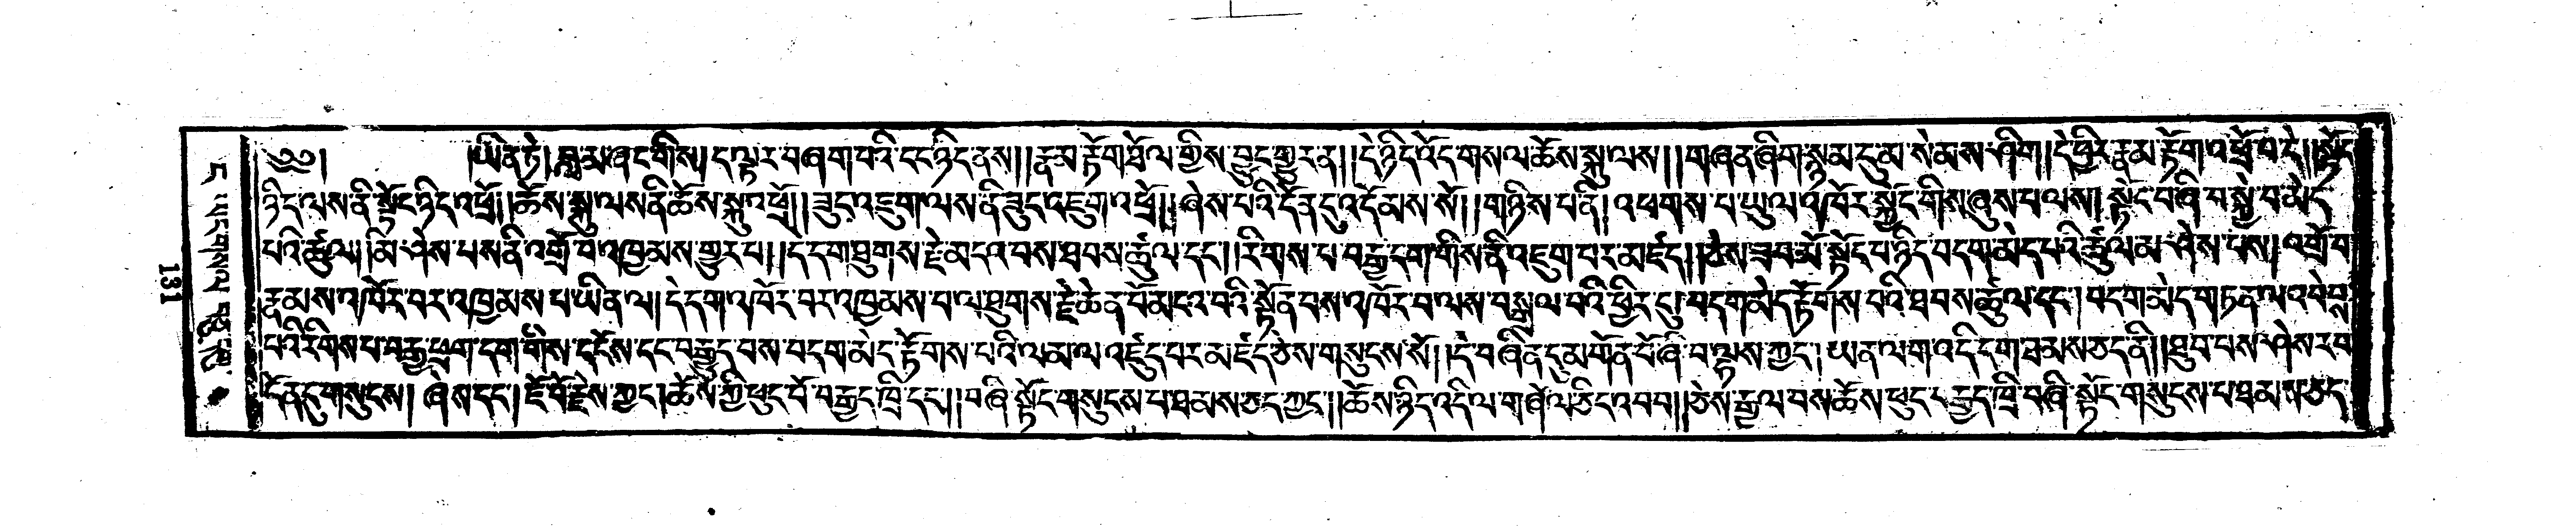༄༅། །ཡིན་ཏེ། བླ་མ་ཞང་གིས། དེ་ལྟར་བཞག་པའི་ངང་ཉིད་ནས། །རྣམ་རྟོག་ཐོལ་གྱིས་བྱུང་གྱུར་ན། །དེ་ཉིད་འོད་གསལ་ཆོས་སྐུ་ལས། །གཞན་ཞིག་སྙམ་དུ་མ་སེམས་ཤིག །དེ་ཕྱིར་རྣམ་རྟོག་འཕྲོ་བ་དེ། །སྟོང་
ཉིད་ལས་ནི་སྟོང་ཉིད་འཕྲོ། །ཆོས་སྐུ་ལས་ནི་ཆོས་སྐུ་འཕྲོ། །ཟུང་འཇུག་ལས་ནི་ཟུང་འཇུག་འཕྲོ། །ཞེས་པའི་དོན་དུ་འདོམས་སོ། །གཉིས་པ་ནི། འཕགས་པ་ཡུལ་འཁོར་སྐྱོང་གིས་ཞུས་པ་ལས། སྟོང་པ་ཞི་བ་སྐྱེ་བ་མེད་
པའི་ཚུལ། །མི་ཤེས་པས་ནི་འགྲོ་བ་འཁྱམས་གྱུར་པ། །དེ་དག་ཐུགས་རྗེ་མངའ་བས་ཐབས་ཚུལ་དང་། །རིགས་པ་བརྒྱ་དག་གིས་ནི་འཇུག་པར་མཛད། །ཅེས་ཟབ་མོ་སྟོང་པ་ཉིད་བདག་མེད་པའི་ཚུལ་མ་ཤེས་པས། འགྲོ་བ་
རྣམས་འཁོར་བར་འཁྱམས་པ་ཡིན་ལ། དེ་དག་འཁོར་བར་འཁྱམས་པ་ལ་ཐུགས་རྗེ་ཆེན་པོ་མངའ་བའི་སྟོན་པས་འཁོར་བ་ལས་བསྒྲལ་བའི་ཕྱིར་དུ། བདག་མེད་རྟོགས་པའི་ཐབས་ཚུལ་དང་། བདག་མེད་གཏན་ལ་འབེབས་
པའི་རིགས་པ་བརྒྱ་ཕྲག་དག་གིས་དངོས་དང་བརྒྱུད་པས་བདག་མེད་རྟོགས་པའི་ལམ་ལ་འཛུད་པར་མཛད་ཅེས་གསུངས་སོ། །དེ་བཞིན་དུ་མགོན་པོ་ཞི་བ་ལྷས་ཀྱང་། ཡན་ལག་འདི་དག་ཐམས་ཅད་ནི། །ཐུབ་པས་ཤེས་རབ་
དོན་དུ་གསུངས། ཞེས་དང་། ཇོ་བོ་རྗེས་ཀྱང་། ཆོས་ཀྱི་ཕུང་པོ་བརྒྱད་ཁྲི་དང་། །བཞི་སྟོང་གསུངས་པ་ཐམས་ཅད་ཀྱང་། །ཆོས་ཉིད་འདི་ལ་གཞོལ་ཅིང་འབབ། །ཅེས་རྒྱལ་བས་ཆོས་ཕུང་བརྒྱད་ཁྲི་བཞི་སྟོང་གསུངས་པ་ཐམས་ཅད་